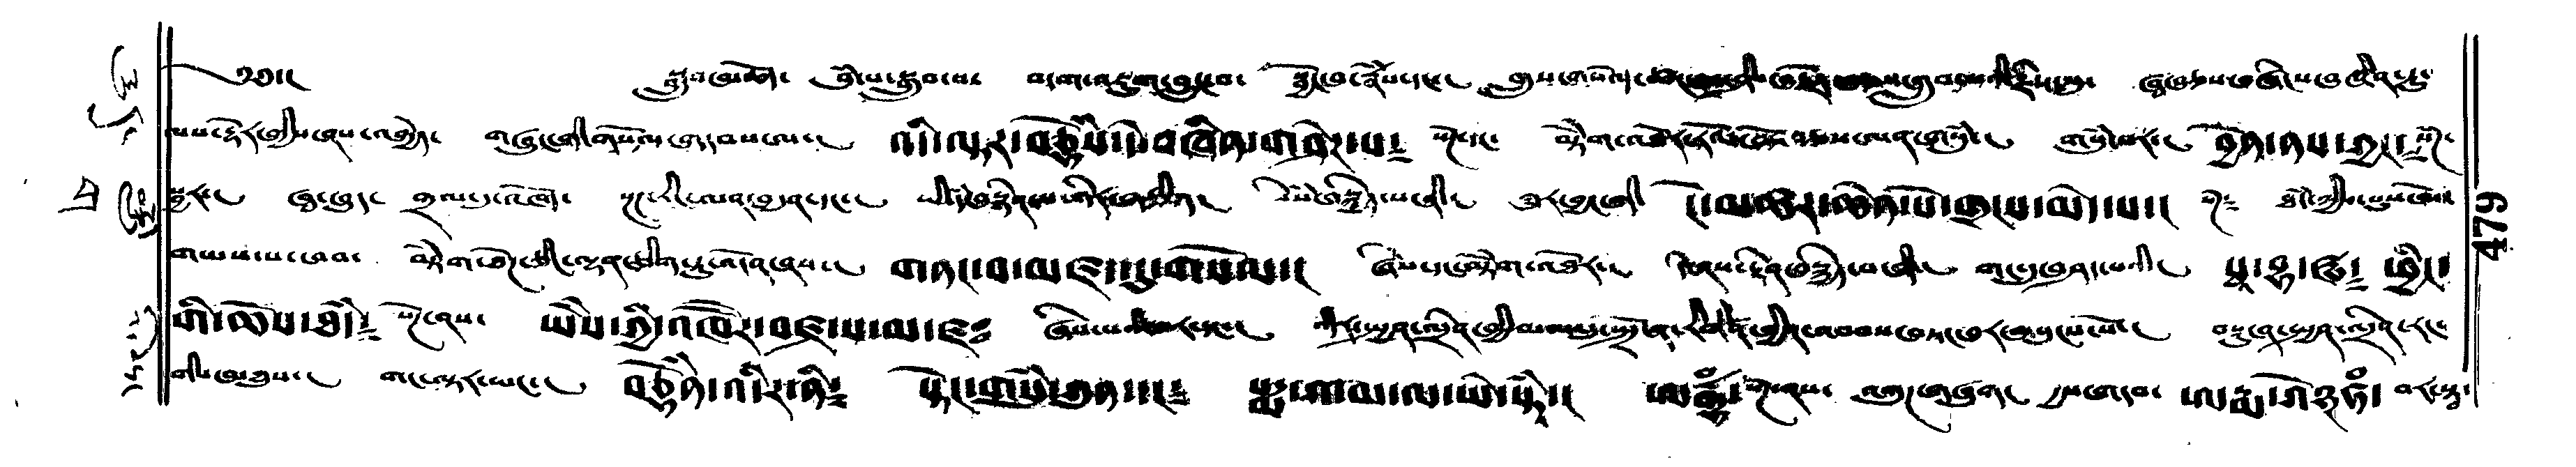སྒྲུབ་མཆོད། བུམ་པ་སྒྲུབ་པ། བདག་འཇུག་བླང་བ། སྦྱོང་བ་རྣམས་དང་། ཁྲུས་གསོལ་ཚང་མ་ཤིས་བརྗོད་བཅས་གྲུབ་པའི་རྗེས་སུ། ཞྭ་བཅས་བཞེངས་བཞིན་ཏུ་
ལས་རྡོར་གྱིས་ནས་འགྱེད། གཞུང་གི་གསོལ་གདབ་ལ། འདི་ལྟར་བཅོམ་ལྡན་འདས་དེ་བཞིན་གཤེགས་པ༴ སོགས་དང་། མེ་ཏོག་འཐོར་རོལ། མོ་བཅས་ལན་གསུམ། གསུམ་པར། བྱོན་ནས་ཀྱང༴ སོགས་
སྦྱར། ཞྭ་ཕུད། གྲལ་དུ་འཁོད། སྔགས་རིང་ལན་བདུན་དང་། ཡི་དམ་བསྙེན་པ་ཉེར་གཅིག སེམས་བསྐྱེད་པ་ནི། ཟུར་བྱང་གི ངོ་མཚར་ཆེན་པོ་གྲངས་མེད་པ། སོགས། ཐམས་ཅད་ཀྱིས་པུས་མོ་
གཡས་པ་ཕབ། མེ་ཏོག་ཐོགས་ཅིང་ལྷན་ཅིག་ཏུ་འདོན་ནས། གནང་བ་མཛད་དུ་གསོལ། ཞེས་དང་མེ་ཏོག་འཐོར། དེ་ནས་རྟེན་བསྐྱེད་པ་ནི། གོང་དུ་བཤད་པའི། སྭ་བྷ་ཝ༴ ཕྱི་ནང་
གི་ཆོས་ཐམས་ཅད༴ སོགས་ནས་ཡེ་ཤེས་ཀྱི་འཁོར་ལོ་བཛྲ་ས་མ་ཛཿ ཞེས་པའི་བར་དང་། འདིར་སྤྱན་འདྲེན་གྱི་མལ་དུ་སྤྲོ་ན་རིག་འཛིན་བྱིན་འབེབས་བཏང་བར་གསུངས་སོ། བསྡུ་ན་སྤྱན་འདྲེན་རང་
གིས་མཐུས། གང་ལྟར་ཡང་། བཅོམ་ལྡན་འདིར་ནི༴ སྟོང་གསུམ་ཀུན་དང༴ པདྨ་ཀ་མ་ལ་ཡེ་སྟྭཾ། ཨརྒྷཾ་སོགས་ནས་འགུགས་གཞུག རྒྱས་གདབ། ཨཏྨ་ཀོ྅་ཧཾ། བར་སྟ་